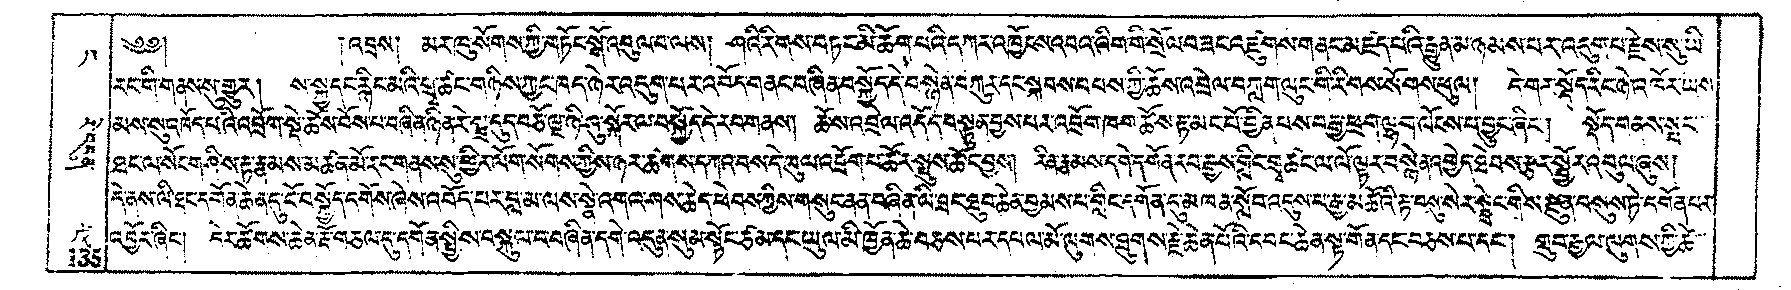༄༅། །འབྲས། མར་ཁུ་སོགས་ཀྱི་གཏོང་སྒོ་འབུལ་བ་ལས། ཤའི་རིགས་བཏང་མི་ཆོག་པའི་དཀར་འཁྱོངས་འབའ་ཞིག་གི་སྲོལ་བཟང་འཛུགས་གནང་མཛད་པའི་རྒྱུན་མ་ཉམས་པར་འདུག་པ་རྗེས་སུ་ཡི་
རང་གི་གནས་སུ་གྱུར། ས་སྐྱ་དང་རྙིང་མའི་གྲྭ་ཚང་གཉིས་ཀྱང་ཁད་ཉེར་འདུག་པར་འབོད་གནང་བཞིན་བསྐྱོད་དེ་བསྙེན་བཀུར་དང་སྐབས་བབས་ཀྱི་ཆོས་འབྲེལ་བཀླག་ལུང་གི་རིགས་སོགས་ཕུལ། དེ་གར་སྡོད་རིང་ཉེ་འཁོར་ཡས་
མས་སུ་འཁོད་པའི་འབྲོག་སྡེ་ཆོས་བོས་པ་བཞིན་ཉིན་རེ་སྦྲ་དུད་བཅོ་ལྔ་ཉི་ཤུ་སྐོར་ལ་བསྐྱོད་དེ་རབ་གནས། ཆོས་འབྲེལ་འདོད་བསྟུན་བྱས་པར་འབྲོག་ཁག་ཚོས་རྟ་མང་པོ་བྱིན་པས་བརྒྱ་ཕྲག་ལྷག་ལོངས་པ་བྱུང་ཞིང་། སྡོད་གནས་སྤང་
ཐང་ལ་སོང་གཤིས་རྟ་རྣམས་མཚན་མོ་རང་གནས་སུ་ཕྱིར་ལོག་སོགས་ཀྱིས་ཉར་ཚགས་དཀའ་བས་དེ་ཁུལ་འབྲོག་པ་ཚོར་སྤུས་ཚོང་བྱས། རིན་རྣམས་དགེ་དགོན་རབ་རྒྱས་གླིང་གྲྭ་ཚང་ལ་ལོ་ལྟར་བསྙེན་འགྱེད་ཐེབས་རྩར་སྦྱོར་འབུལ་ཞུས།
དེ་ནས་ལི་ཐང་དགོན་ཆེན་དུ་ངོ་བསྐྱོད་དགོས་ཞེས་འབོད་པར་བླ་མ་ལས་སྣེ་འགའ་ཤས་ཆེད་ཕེབས་ཀྱིས་གསུང་ནན་བཞིན་ལི་ཐང་ཐུབ་ཆེན་བྱམས་པ་གླིང་དགོན་དུ་མཁན་སློབ་འདུས་པ་རྒྱ་མཚོའི་རྟ་བསུ་སེར་སྦྲེང་གིས་སྡུན་བསུས་ཏེ་དགོན་པར་
འབྱོར་ཞིང་། དེར་ཚོགས་ཆེན་རྡོ་གཅལ་དུ་དགོན་སྤྱིས་བསྐུལ་བ་བཞིན་དགེ་འདུན་སུམ་སྟོང་ཙམ་དང་ཡུལ་མི་ཁྱོན་ཆེ་བཅས་པར་དཔལ་མོ་ལུགས་ཐུགས་རྗེ་ཆེན་པོའི་དབང་ཆེན་སྟ་གོན་དང་བཅས་པ་དང་། གྲུབ་རྒྱལ་ལུགས་ཀྱི་ཚེ་